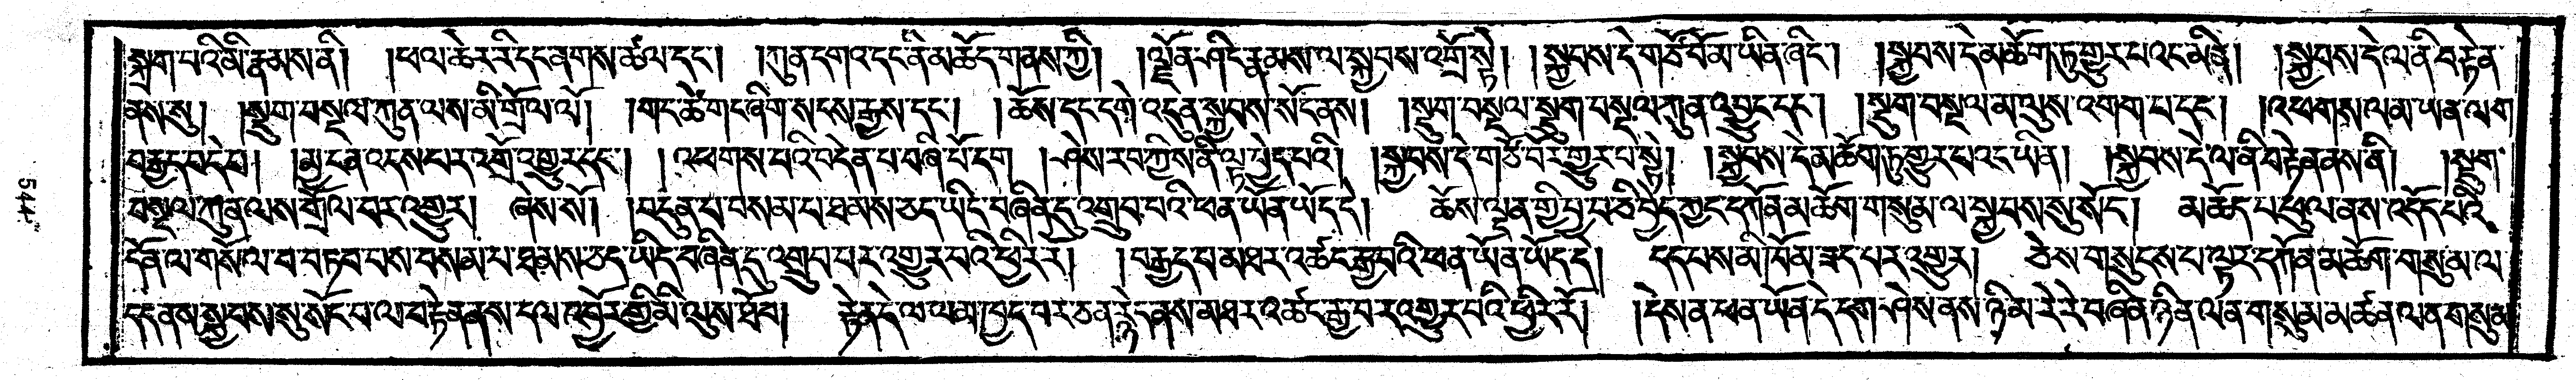སྐྲག་པའི་མི་རྣམས་ནི། །ཕལ་ཆེར་རི་དང་ནགས་ཚལ་དང་། །ཀུན་དགའ་དང་ནི་མཆོད་གནས་ཀྱི། །ལྗོན་ཤིང་རྣམས་ལ་སྐྱབས་འགྲོ་སྟེ། །སྐྱབས་དེ་གཙོ་བོ་མ་ཡིན་ཞིང་། །སྐྱབས་དེ་མཆོག་ཏུ་གྱུར་པའང་མིན། །སྐྱབས་དེ་ལ་ནི་བརྟེན་
ནས་སུ། །སྡུག་བསྔལ་ཀུན་ལས་མི་གྲོལ་ལོ། །གང་ཚེ་གང་ཞིག་སངས་རྒྱས་དང་། །ཆོས་དང་དགེ་འདུན་སྐྱབས་སོང་ནས། །སྡུག་བསྔལ་སྡུག་བསྔལ་ཀུན་འབྱུང་དང་། །སྡུག་བསྔལ་མ་ལུས་འགག་པ་དང་། །འཕགས་ལམ་ཡན་ལག་
བརྒྱད་བདེ་བ། །མྱ་ངན་འདས་པར་འགྲོ་འགྱུར་དང་། །འཕགས་པའི་བདེན་པ་བཞི་པོ་དག །ཤེས་རབ་ཀྱིས་ནི་ལྟ་བྱེད་པའི། །སྐྱབས་དེ་གཙོ་བོར་གྱུར་པ་སྟེ། །སྐྱབས་དེ་མཆོག་ཏུ་གྱུར་པའང་ཡིན། །སྐྱབས་དེ་ལ་ནི་བརྟེན་ནས་ནི། །སྡུག་
བསྔལ་ཀུན་ལས་གྲོལ་བར་འགྱུར། ཞེས་སོ། །བདུན་པ་བསམ་པ་ཐམས་ཅད་ཡིད་བཞིན་དུ་འགྲུབ་པའི་ཕན་ཡོན་ཡོད་དེ། ཆོས་ལྡན་གྱི་བྱ་བ་ཅི་བྱེད་ཀྱང་དཀོན་མཆོག་གསུམ་ལ་སྐྱབས་སུ་སོང་། མཆོད་པ་ཕུལ་ནས་འདོད་པའི་
དོན་ལ་གསོལ་བ་བཏབ་པས་བསམ་པ་ཐམས་ཅད་ཡིད་བཞིན་དུ་འགྲུབ་པར་འགྱུར་པའི་ཕྱིར་རོ། །བརྒྱད་པ་མཐར་འཚང་རྒྱ་བའི་ཕན་ཡོན་ཡོད་དེ། དད་པས་མི་ཁོམ་ཟད་པར་འགྱུར། ཅེས་གསུངས་པ་ལྟར་དོན་མཆོག་གསུམ་ལ་
དད་ནས་སྐྱབས་སུ་སོང་བ་ལ་བརྟེན་ནས་དལ་འབྱོར་གྱི་མི་ལུས་ཐོབ། རྟེན་དེ་ལ་ལམ་ཁྱད་པར་ཅན་རྙེད་ནས་མཐར་འཚང་རྒྱ་བར་འགྱུར་བའི་ཕྱིར་རོ། །དེས་ན་ཕན་ཡོན་དེ་དག་ཤེས་ནས་ཉི་མ་རེ་རེ་བཞིན་ཉིན་ལན་གསུམ་མཚན་ལན་གསུམ་